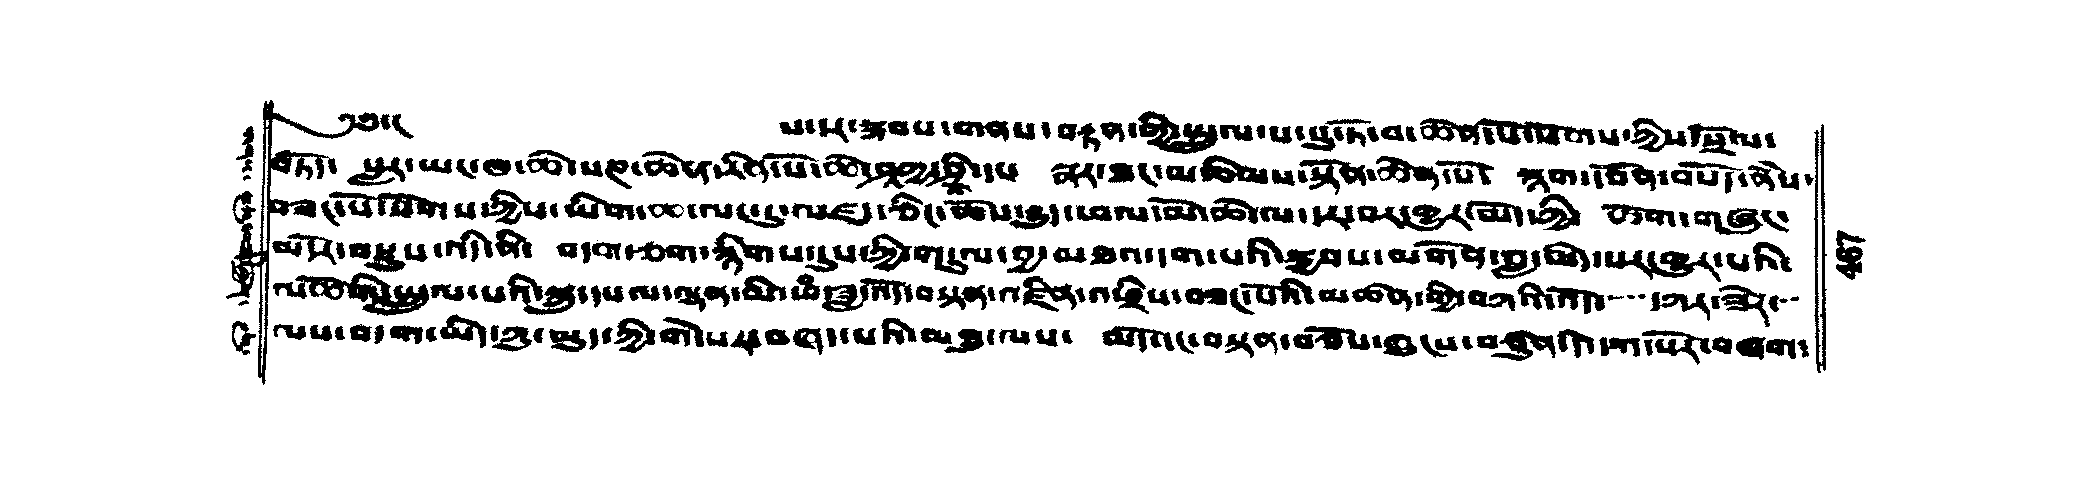པ་དར་སྐབས་གནས་བརྟན་གྱི་སྤྲུལ་པ་པུ་ཏོ་བ་ཆེན་པོ་སོགས་ཀྱིས་སྲོལ་
བཏོད། སླར་ཡང་ཁ་ཆེ་པཎ་ཆེན་རིན་པོ་ཆེ་ཤཱཀྱ་ཤྲཱི་དང་། སྣར་ཐང་མཆིམས་སྟོན་ཆེན་པོ། སྙག་དབོན་བསོད་ནམས་
བཟང་པོ་སོགས་ཀྱིས་ཡིག་ཆ་མང་དུ་མཛད་ཅིང་ཆོས་རྒྱུད་ཕལ་མོ་ཆེ་ལ་དར་བར་གྱུར་མོད་ཀྱི། ཆོག་གཞུང་
མདོར་བསྡུས་འདི་ནི། བདག་ཅག་སྙིགས་དུས་ཀྱི་གདུལ་བྱ་མཐའ་དག་པའི་སྐྱབས་མགོན་ཟླ་མེད་པར་གྱུར་པའི་
མཆོག་གི་སྤྲུལ་བའི་སྐུ་དཔལ་ལྡན་མི་ཕམ་ཟླ་འོད་བསྟན་འཛིན་ཕྲིན་ལས་བཟང་པོའི་མཚན་གྱི་བཀའི་འོད་ དཀརཟེར་
མས་བདག་ཡིད་ཀུ་མུད་ཀྱི་གེ་སར་བཞད་པའི་མཐུ་ལས། མདོ་དང་བསྟན་བཅོས་ཁུངས་བཙུན་དེ་དག་སོར་བཞག་